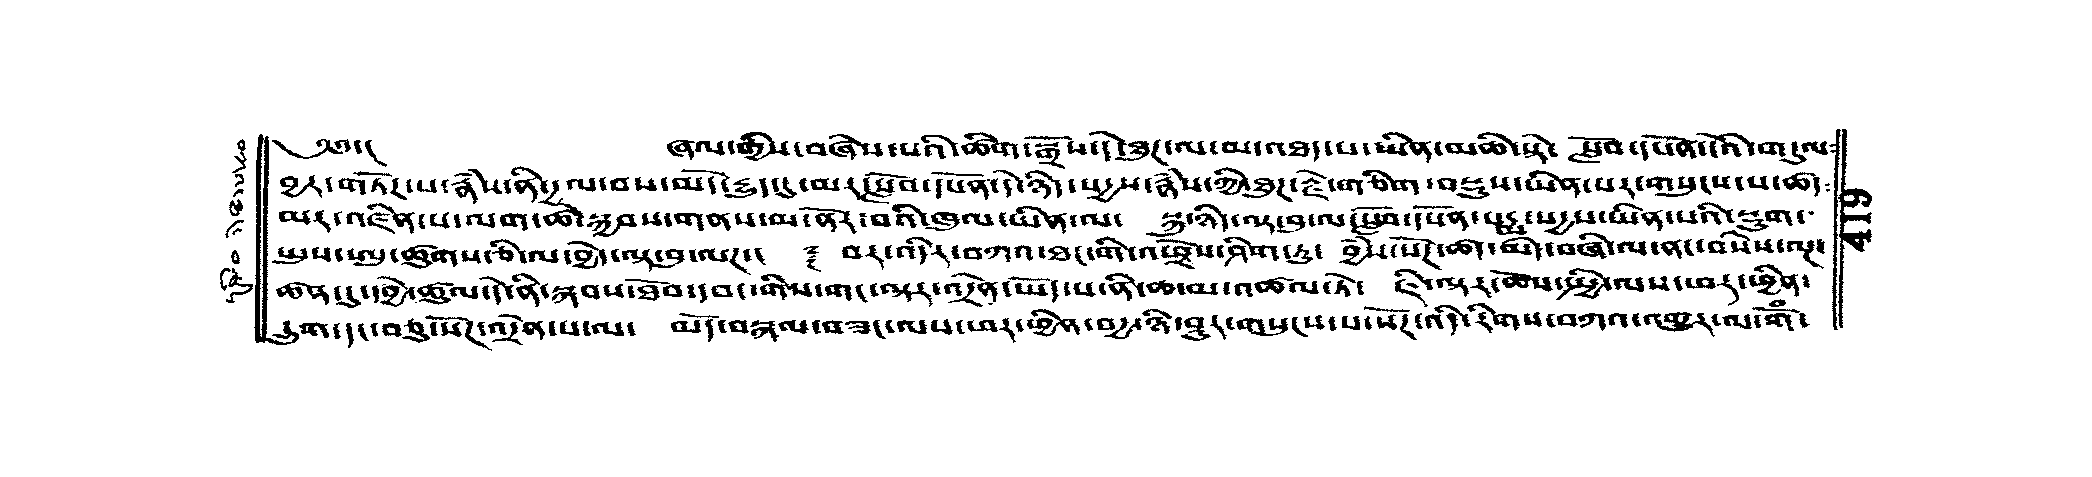ཞལ་གྱིས་བཞེས་པའི་ཚིག་སྒྲོས་དེ་ཐུགས་ལ་མ་འཐད་པ་ཡིན་མཆི་སྟེ། སློབ་དཔོན་དེའི་གདུལ་
བྱར་གཏོགས་པ་རྣམས་ནི་རྒྱལ་བས་མདོ་རྒྱུད་དུ་མར་སློབ་དཔོན་དེ་ཉིད་སངས་རྒྱས་རྣམས་ཀྱི་ཐུགས་རྗེ་གཅིག་བསྡུས་ཡིན་པར་གསུངས་པ་ཚད་
མར་འཛིན་པ་ལགས་ཚེ་སྐྱབས་གནས་མ་ནོར་བའི་ཁུལ་ཡིན་ལ། སྐུ་ཉིད་ལྟ་བུ་ལ་སློབ་དཔོན་པདྨ་སངས་རྒྱས་ཡིན་པའི་སྡུག་
ཡུས་ཨུ་ཚུགས་ཅི་ལ་བྱེད་ལྟ་བུ་ལགས། ༈ བར་འདིར་བཀའ་ཐང་གི་འཕྲོས་ཤིག་ཏུ། བྱམས་སོགས་ཚད་མེད་བཞི་ལ་ནང་བསེས་ལྔ་
ཚན་དུ་དབྱེ་ཚུལ་དེ་ནི་སྐབས་ཐོབ་དབང་གིས་གང་ལྟར་འདྲེན་ཡོད་པ་ནི་ཆ་མ་འཚལ་ཏེ། ཇི་ལྟར་ཆོས་སྤྱི་ལས་ཕར་ཕྱིན་
དྲུག་དང་བཅུ་སོགས་འདྲེན་པ་ལ། མདོ་བསྐལ་བཟང་ལས་ཕར་ཕྱིན་བརྒྱ་ཉི་ཤུར་གསུངས་པ་སོགས་འདི་རིགས་བཀའ་འགྱུར་ལ་གོམ་